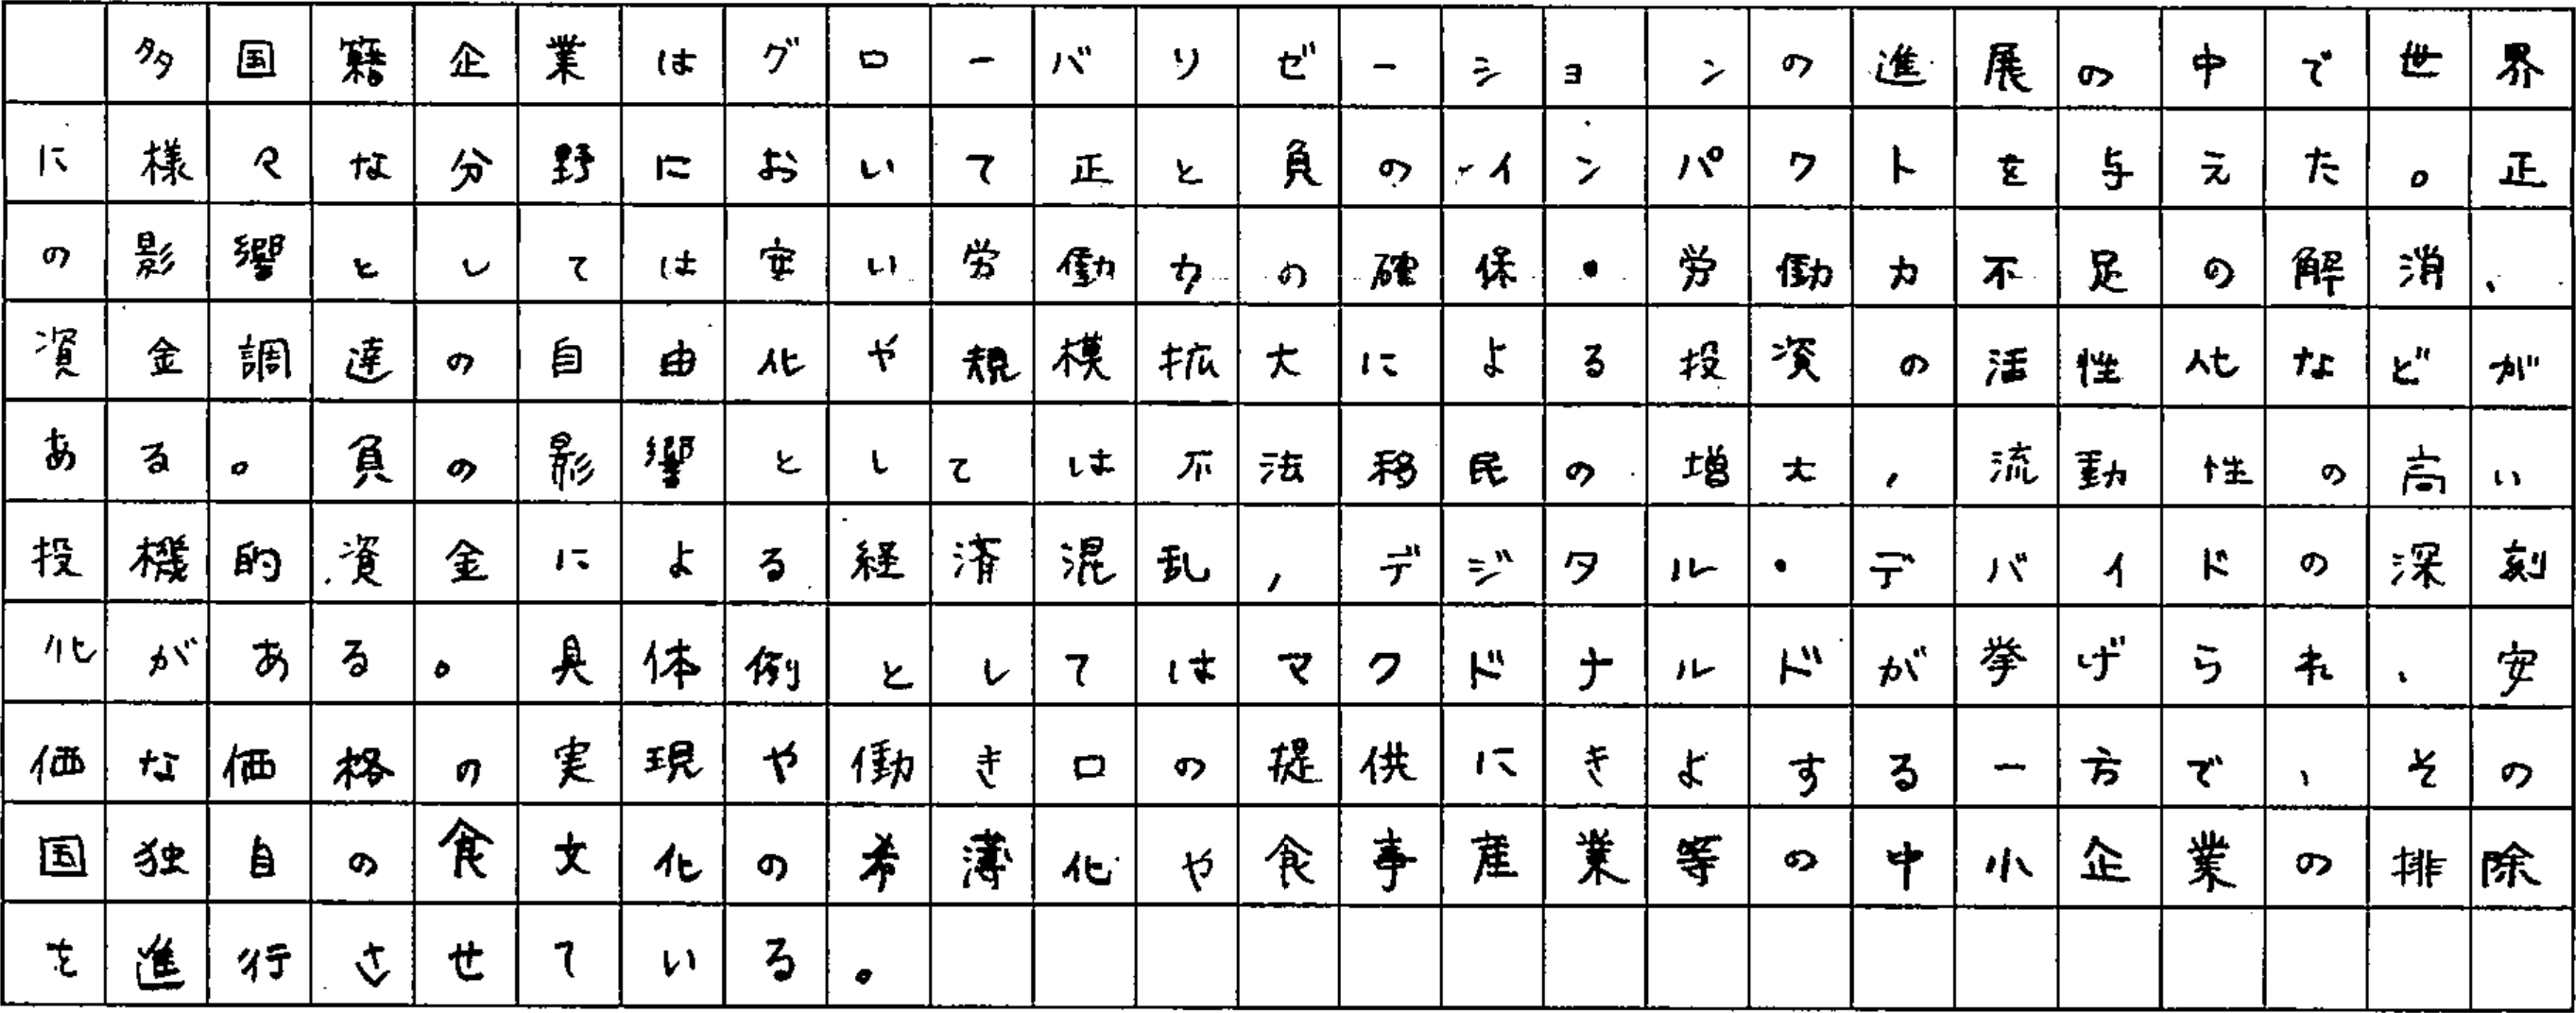　多国籍企業はグローバリゼーションの進展の中で世界に様々な分野において正と負のインパクトを与えた。正の影響としては安い労働力の確保・労働力不足の解消、資金調達の自由化や規模拡大による投資の活性化などがある。負の影響としては不法移民の増大、流動性の高い投機的資金による経済混乱、デジタル・デバイドの深刻化がある。具体例としてはマクドナルドが挙げられ、安価な価格の実現や働き口の提供にきよする一方で、その国独自の食文化の希薄化や食事産業等の中小企業の排除を進行させている。
